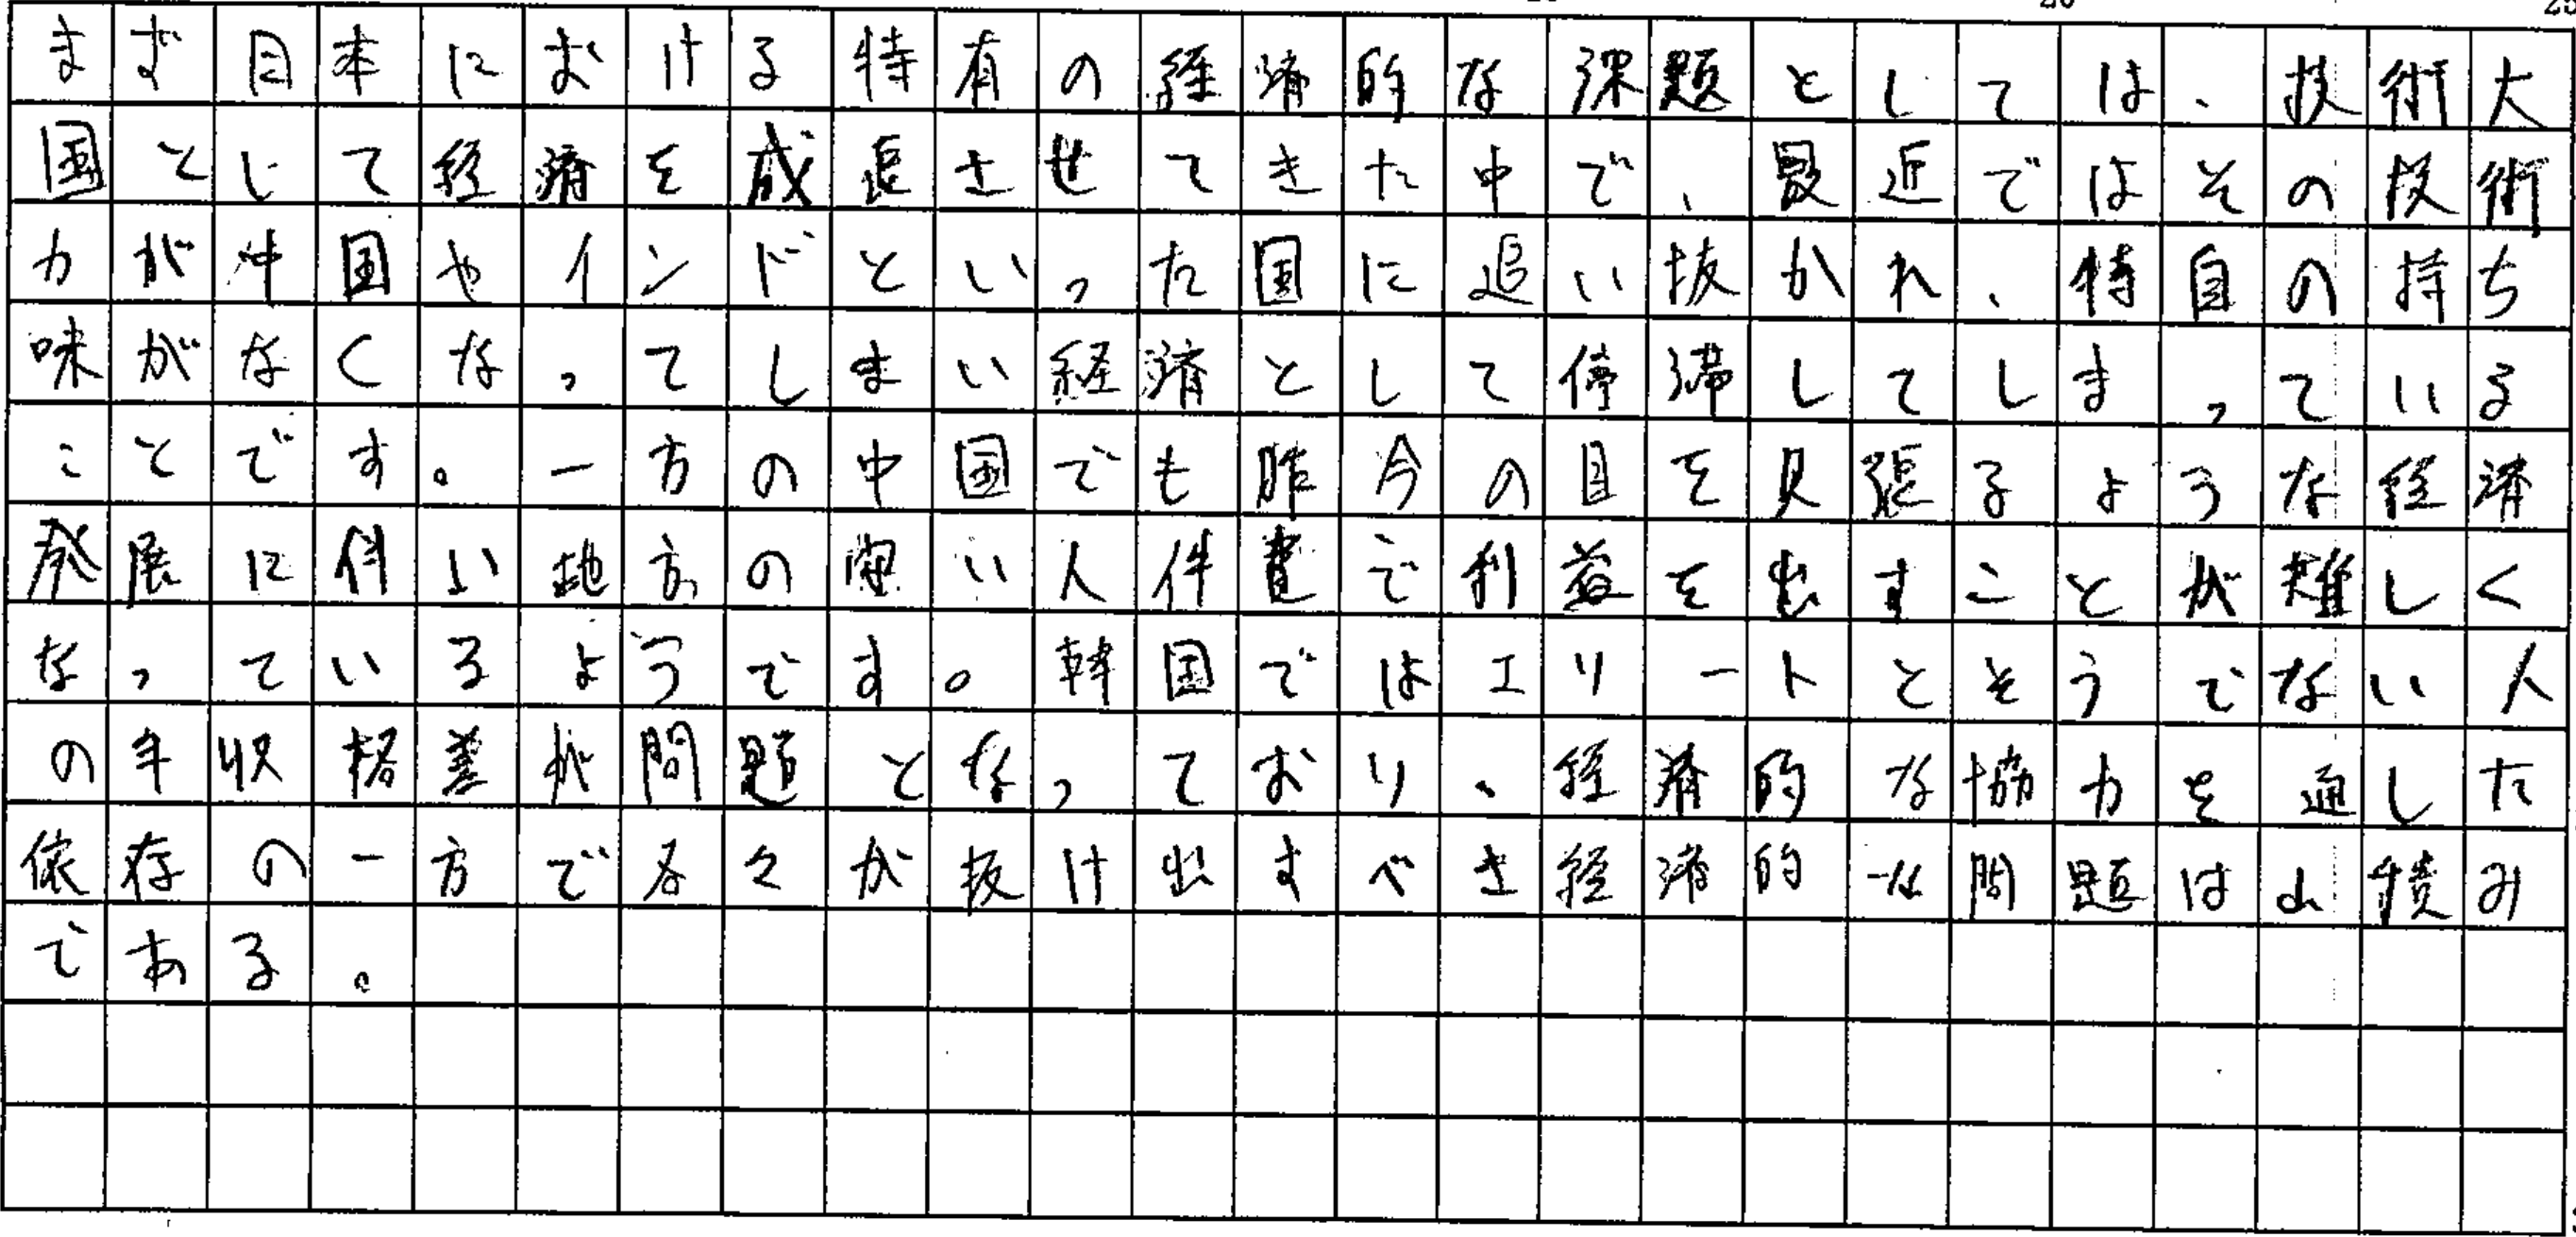まず日本における特有の経済的な課題としては、技術大国として経済を成長させてきた中で、最近ではその技術力が中国やインドといった国に追い抜かれ、特自の持ち味がなくなってしまい経済として停滞してしまっていることです。一方の中国でも昨今の目を見張るような経済発展に伴い地方の安い人件費で利益を出すことが難しくなっているようです。韓国ではエリートとそうでない人の年収格差が問▁となっており、経済的な協力を通した依存の一方で各々が抜け出すべき経済的な問題は山積みである。
